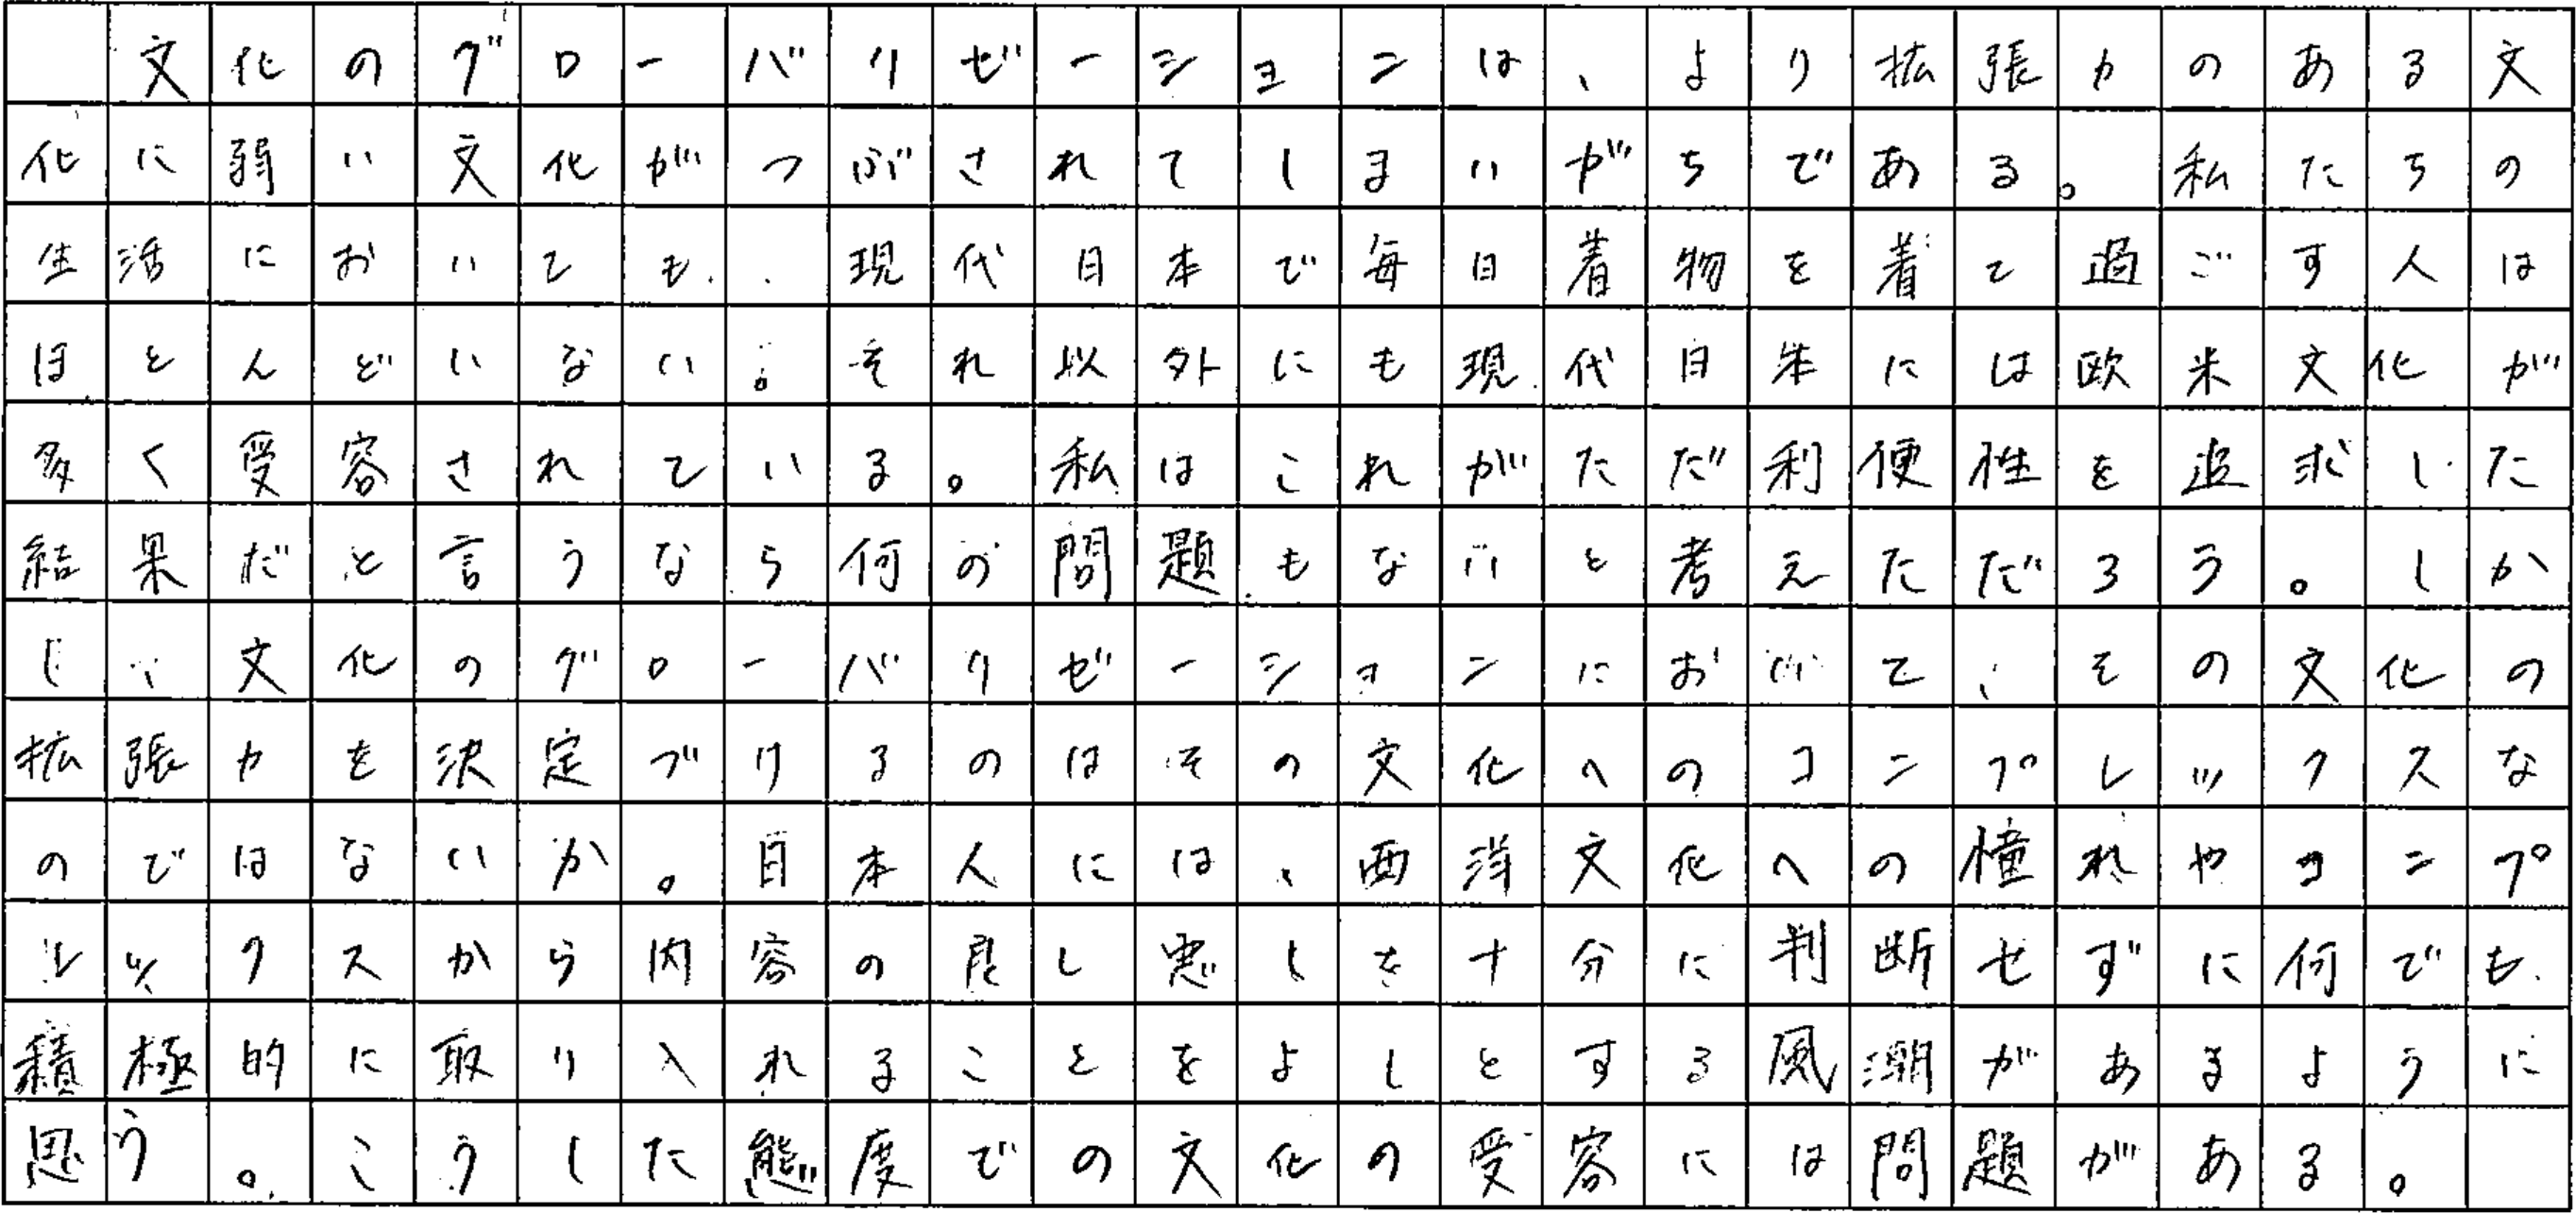　文化のグローバリゼーションは、より拡張力のある文化に弱い文化がつぶされてしまいがちである。私たちの生活においても、現代日本で毎日着物を着て過ごす人はほとんどいない。それ以外にも現代日本には欧米文化が多く受容されている。私はこれがただ利便性を追及した結果だと言うなら何の問題もないと考えただろう。しかし、文化のグローバルリゼーションにおいて、その文化の拡張力を決定づけるのはその文化へのコンプレックスなのではないか。日本人には、西洋文化への憧れやコンプレックスから内容の良し悪しを十分に判断せずに何でも積極的に取り入れることをよしとする風潮があるように思う。こうした態度での文化の受容には問題がある。
